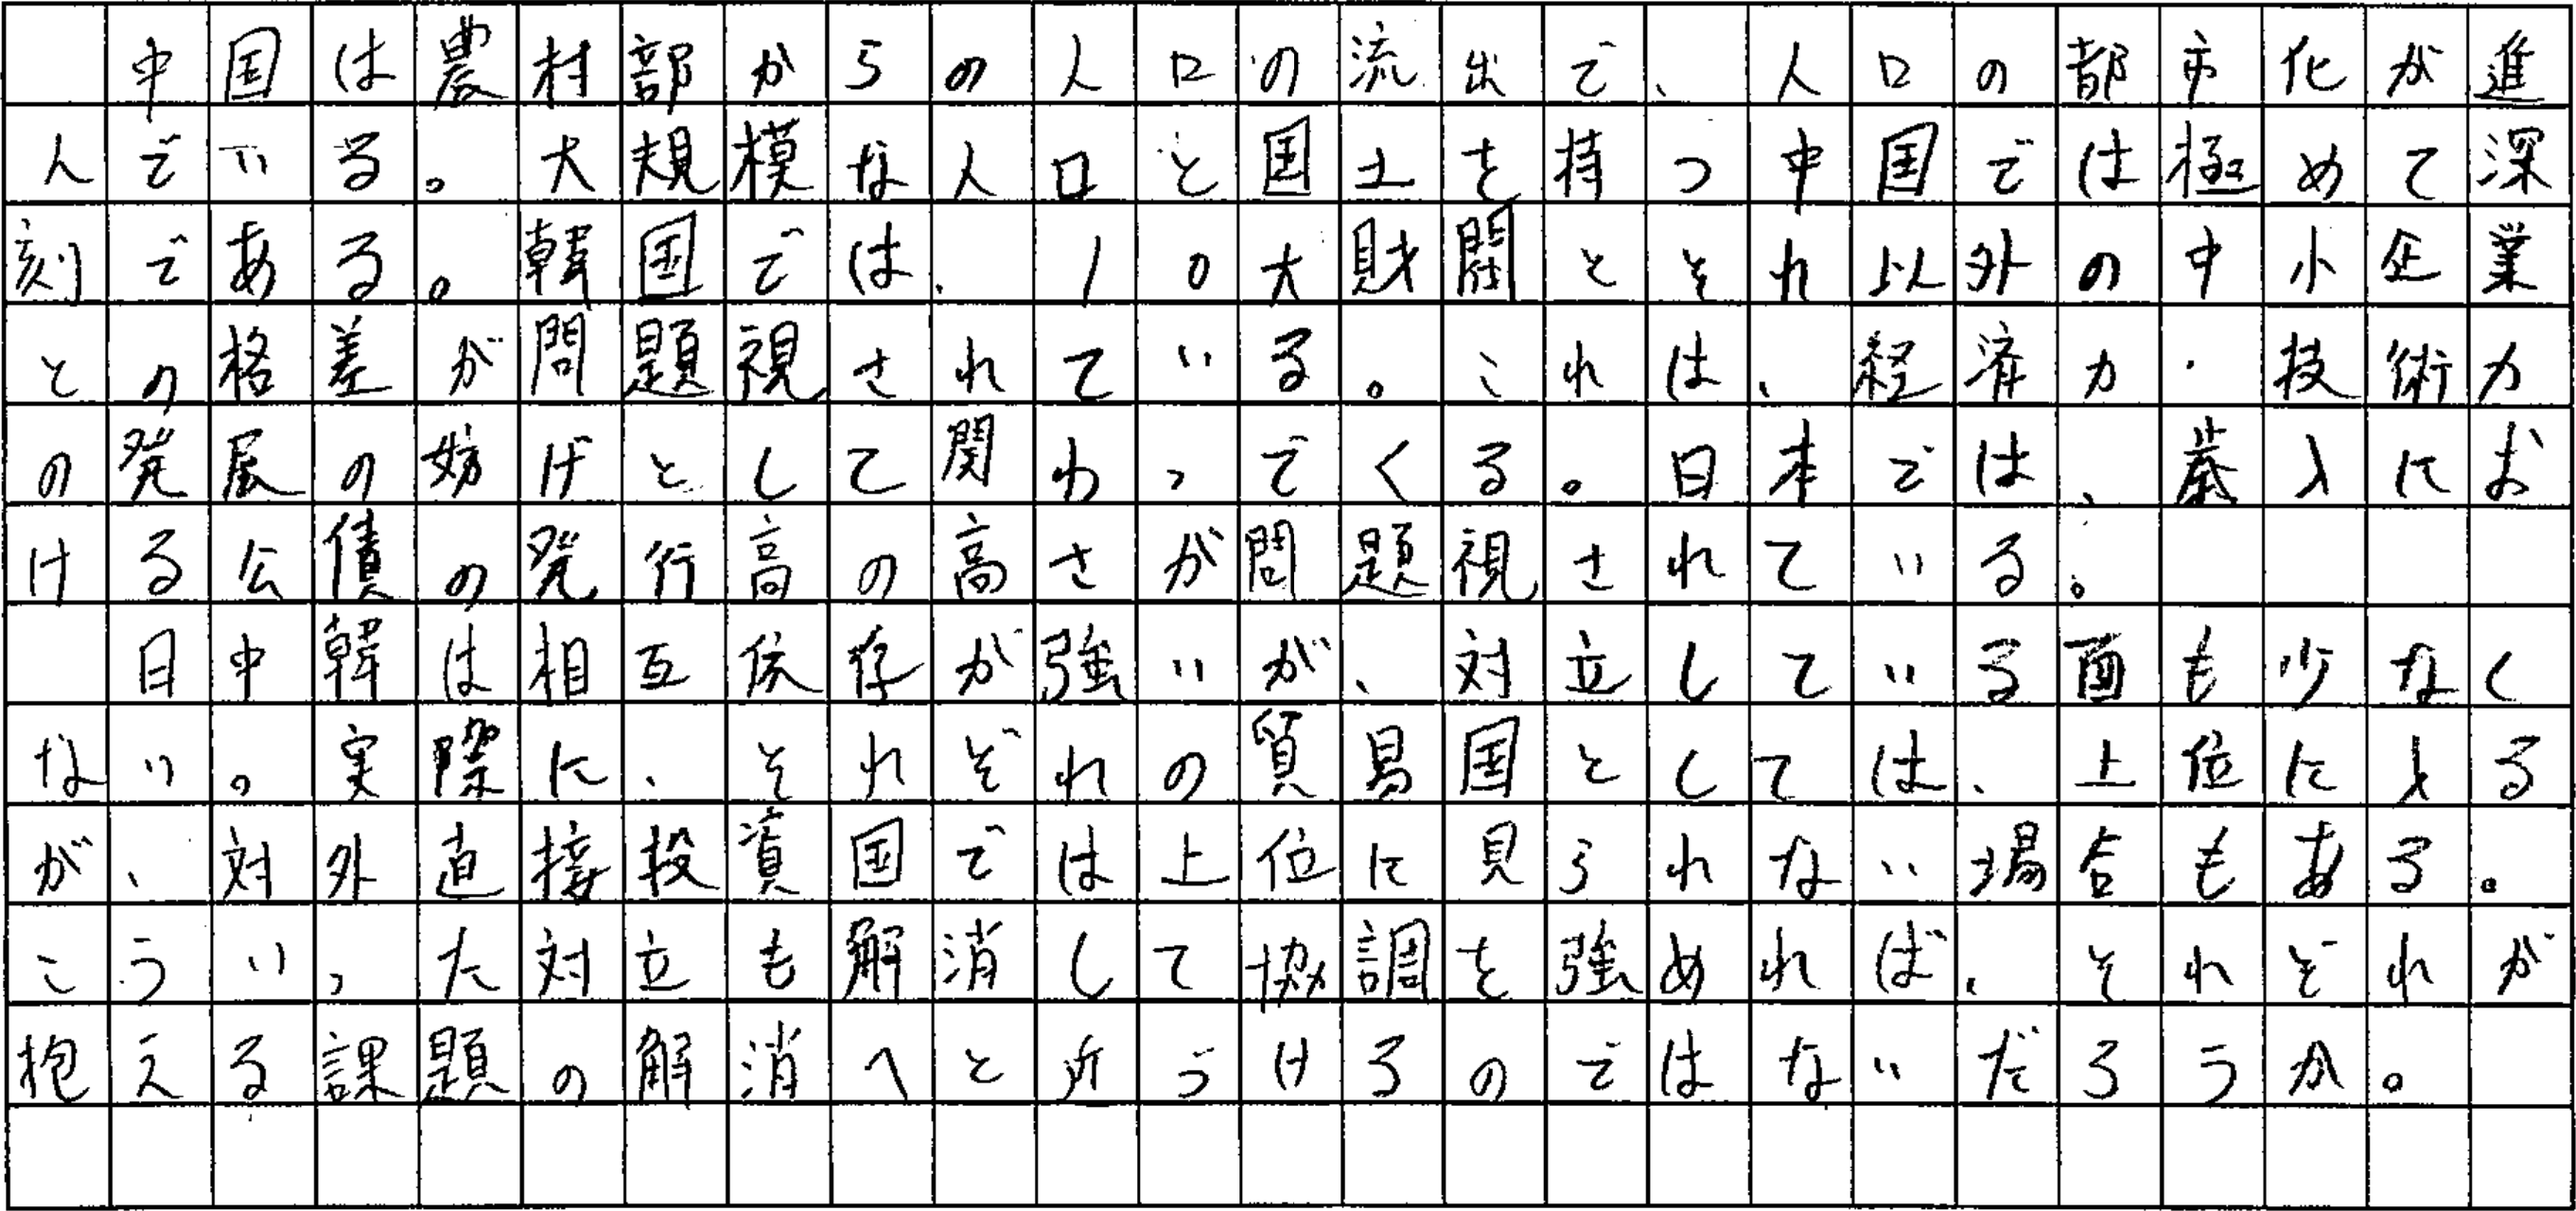　中国は農村部からの人口の流出で、人口の都市化が進んでいる。大規模な人口と国土を持つ中国では極めて深刻である。韓国では、１０大財閥とそれ以外の中小企業との格差が問題視されている。これは、経済力・技術力の発展の妨げとして関わってくる。日本では、歳入における公債の発行高の高さが問題視されている。
　日中韓は相互依存が強いが、対立している面も少なくない。実際に、それぞれの貿易国としては、上位に入るが、対外直接投資国では上位に見られない場合もある。こういった対立も解消して協調を強めれば、それぞれが抱える課題の解消へと近づけるのではないだろうか。
